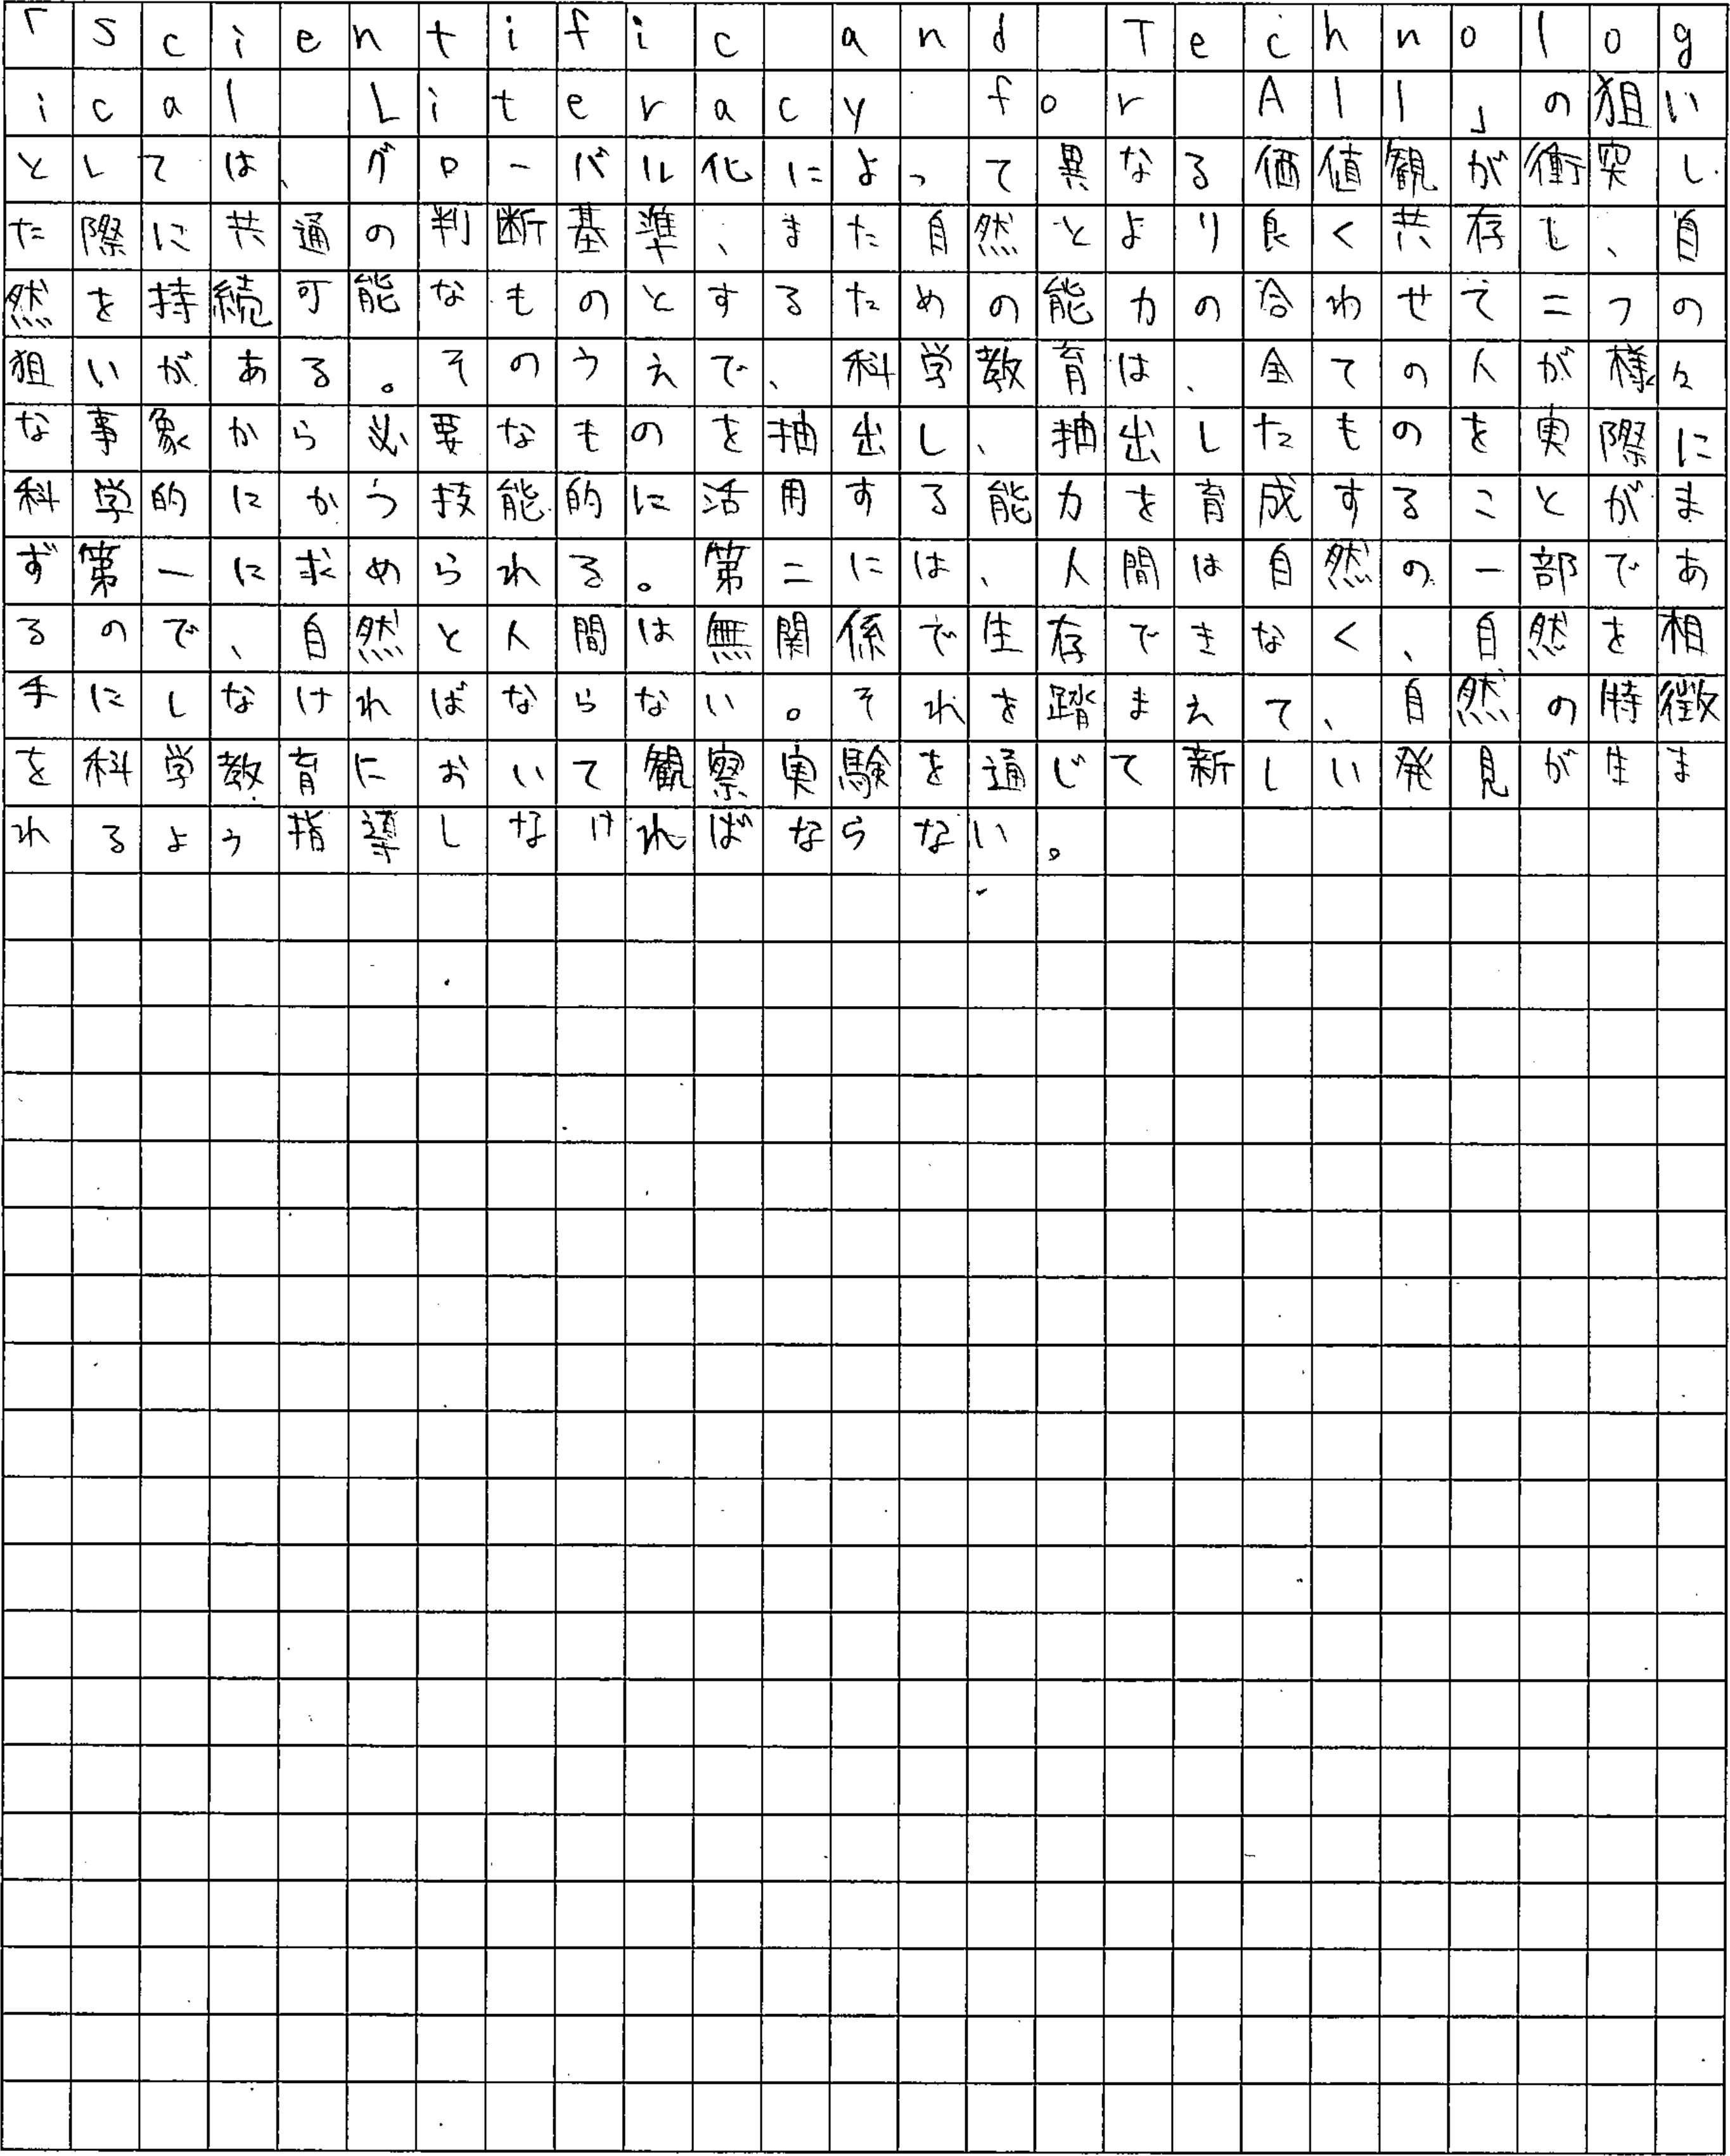「Ｓｃｉｅｎｔｉｆｉｃ　ａｎｄ　Ｔｅｃｈｎｏｌｏｇｉｃａｌ　Ｌｉｔｅｒａｃｙ ｆｏｒ　Ａｌｌ」の狙いとしては、グローバル化によって異なる価値観が衝突した際に共通の判断基準、また自然とより良く共存し、自然を持続可能なものとするための能力の合わせて二つの狙いがある。そのうえで、科学教育は、全ての人が様々な事象から必要なものを抽出し、抽出したものを実際に科学的にかつ技能的に活用する能力を育成することがまず第一に求められる。第二には、人間は自然の一部であるので、自然と人間は無関係で生存できなく、自然を相手にしなければいけない。それを踏まえて、自然の特徴を科学教育において観察実験を通じて新しい発見が生まれるよう指導しなければならない。
